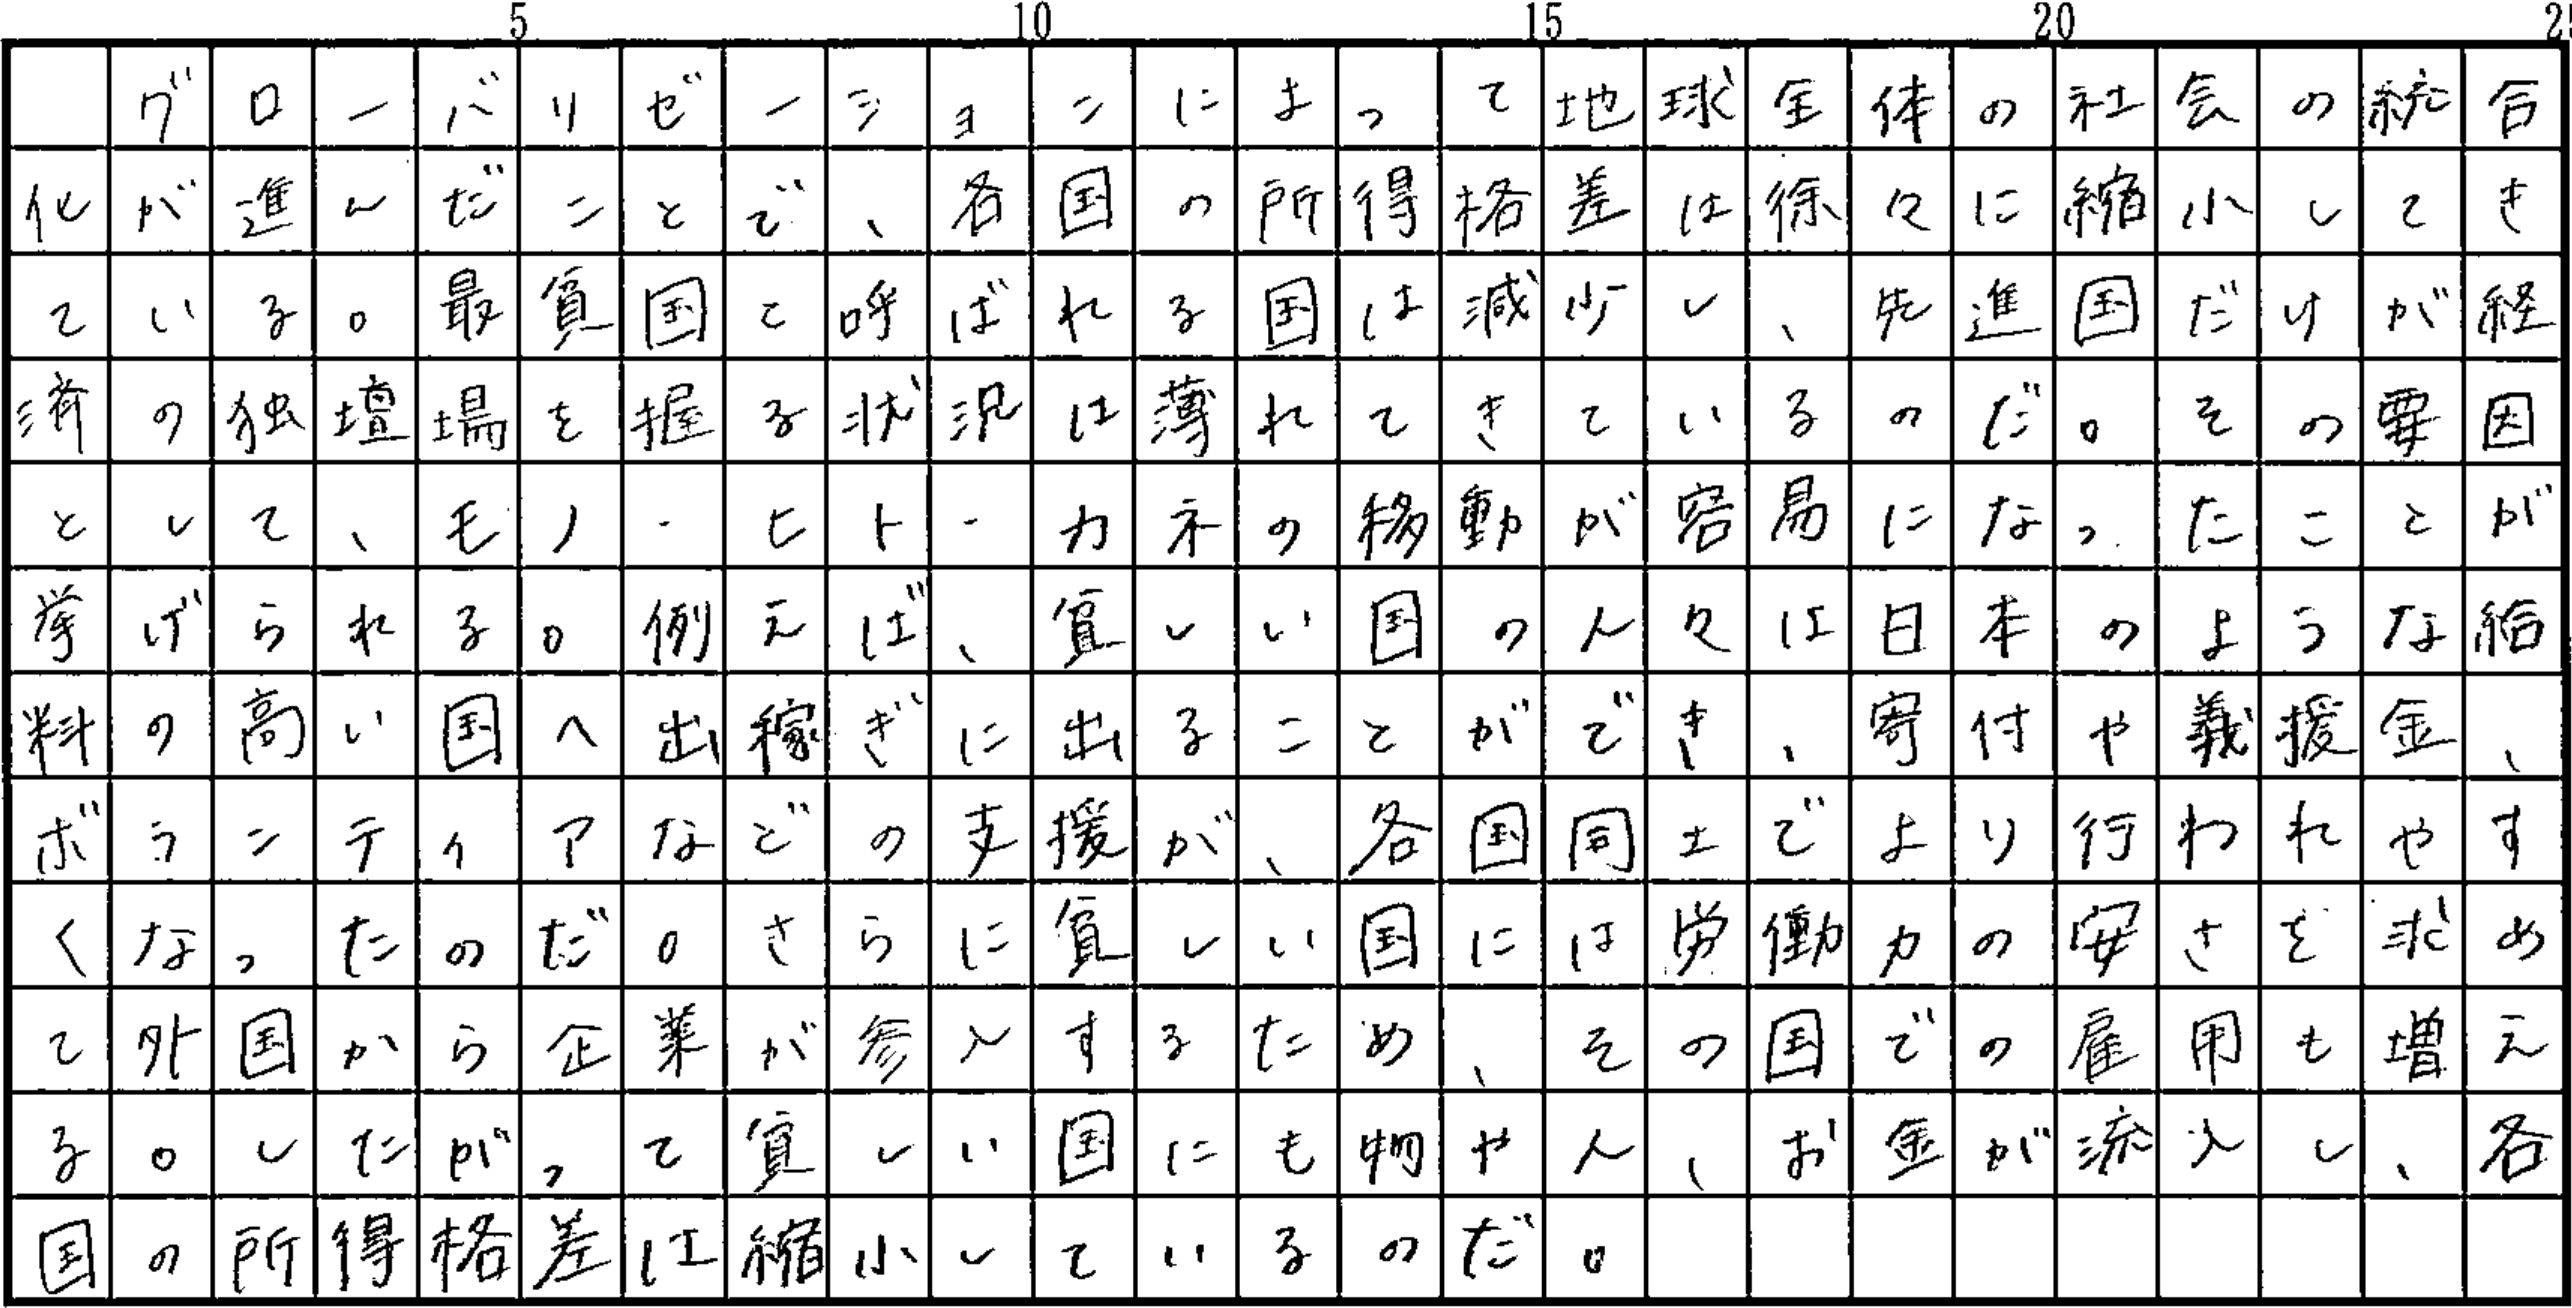　グローバリゼーションによって地球全体の社会の統合化が進んだことで、各国の所得格差は徐々に縮小してきている。最貧国と呼ばれる国は減少し、先進国だけが経済の独壇場を握る状況は薄れてきているのだ。その要因として、モノ・ヒト・カネの移動が容易になったことが挙げられる。例えば、貧しい国の人々は日本のような給料の高い国へ出稼ぎに出ることができ、寄付や義援金、ボランティアなどの支援が、各国同士でより行われやすくなったのだ。さらに貧しい国には労働力の安さを求めて外国から企業が参入するため、その国での雇用も増える。したがって貧しい国にも物や人、お金が流入し、各国の所得格差は縮小しているのだ。
